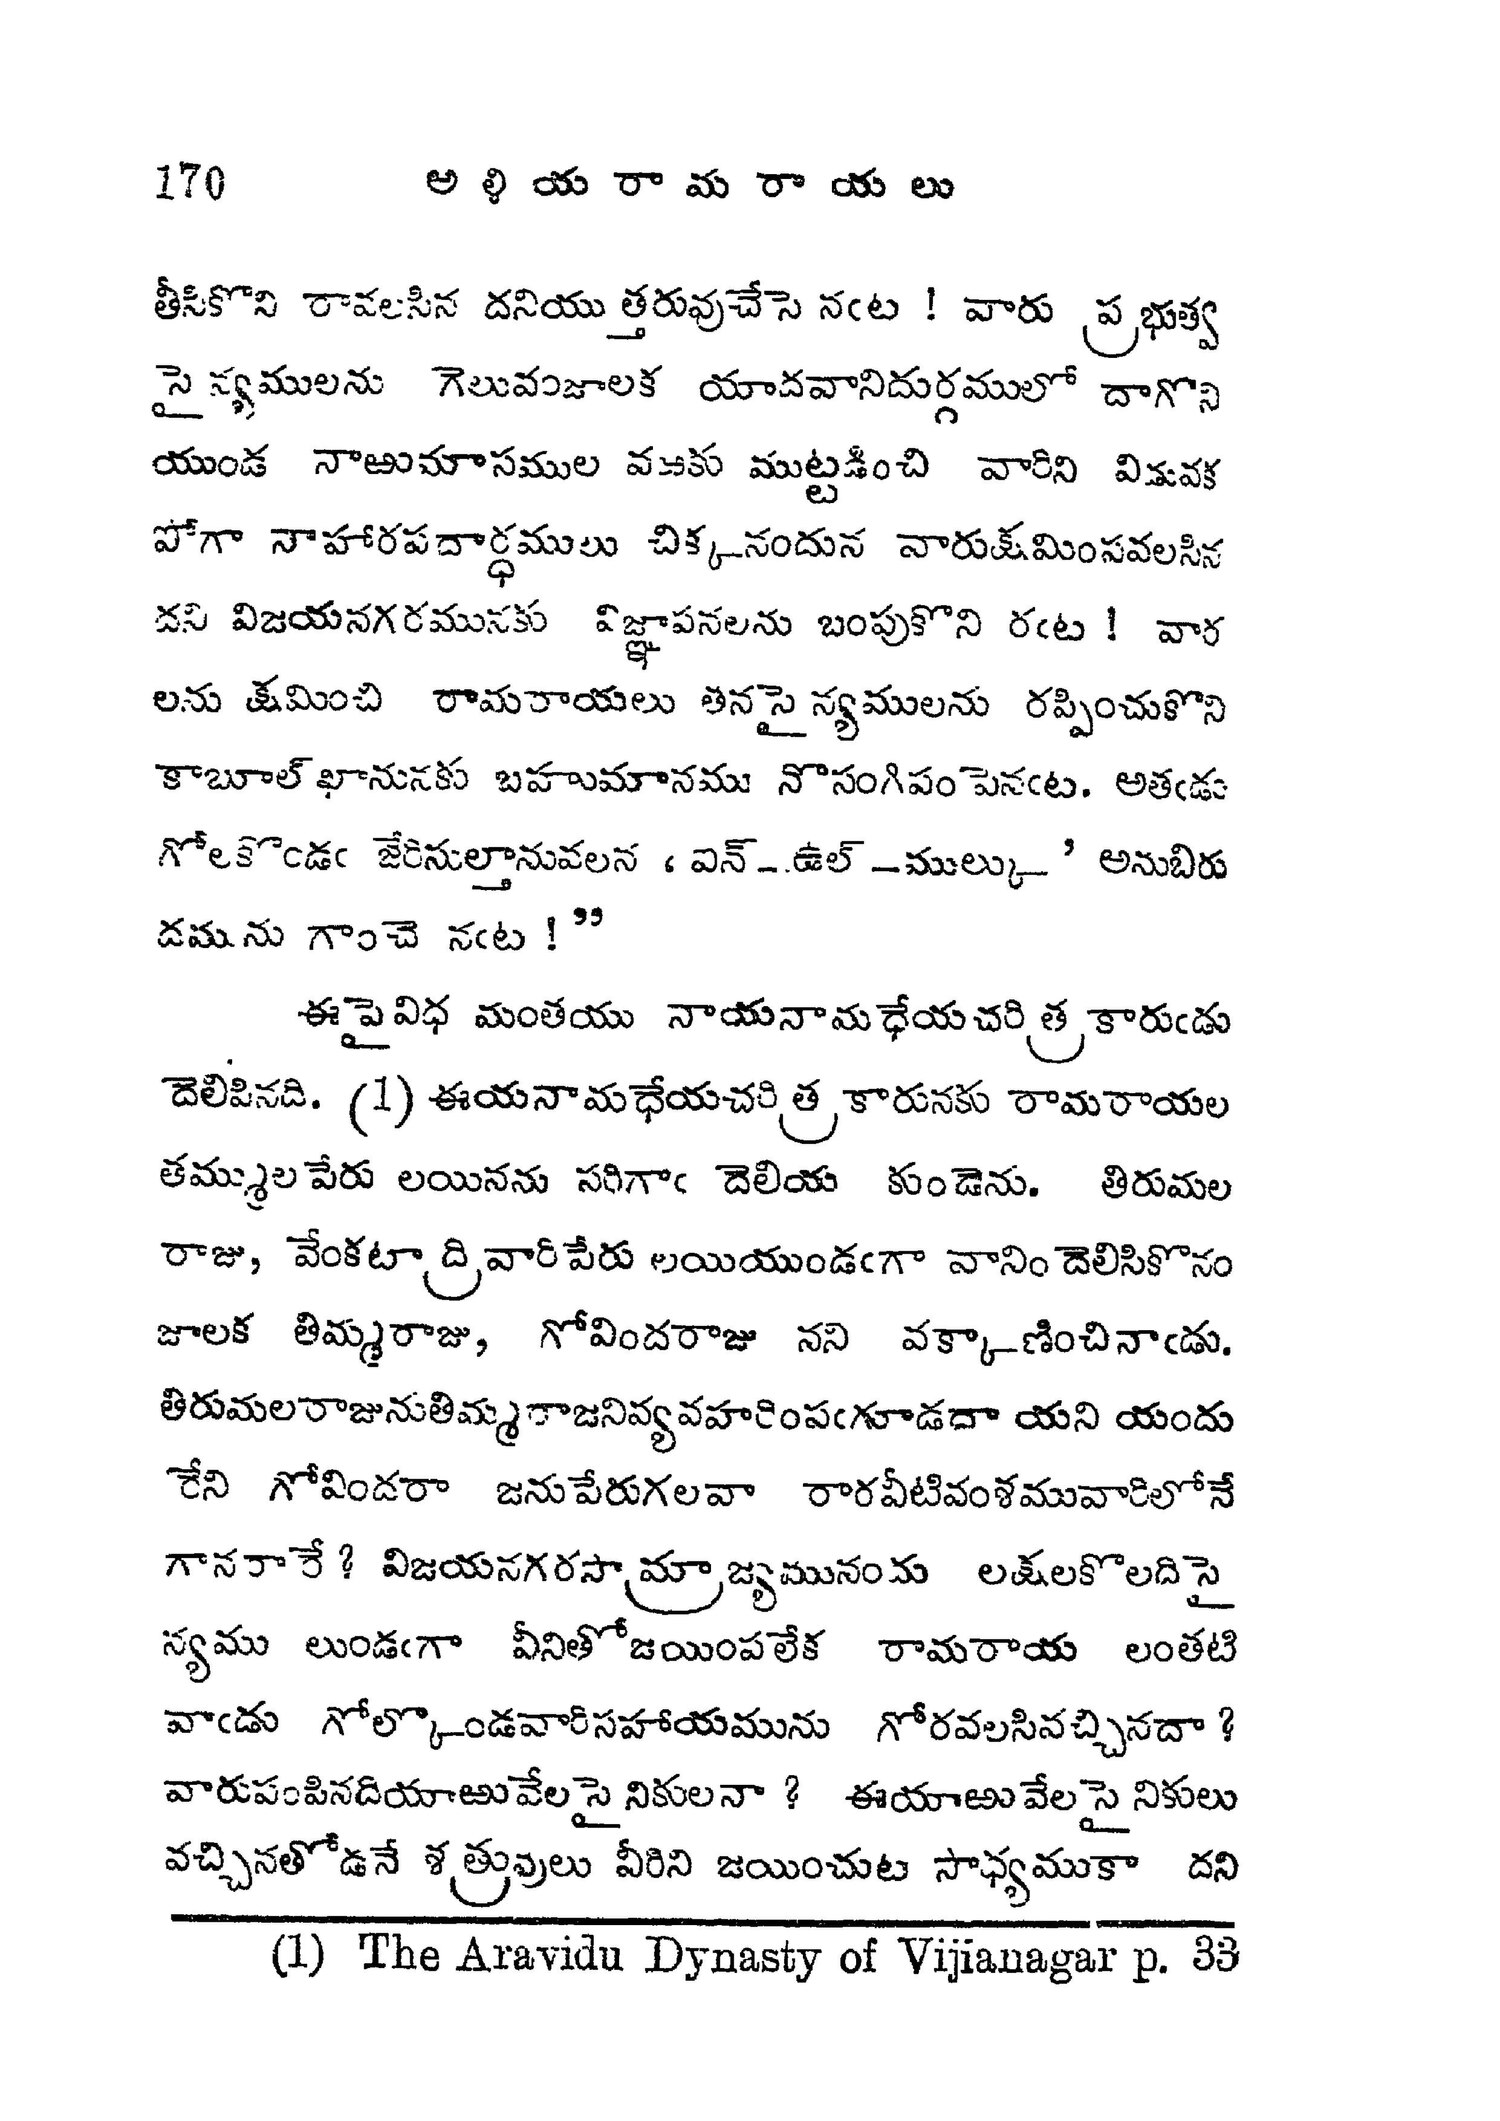తీసికొని రావలసిన దనియుత్తరువుచేసె నట ! వారు ప్రభుత్వ సైన్యములను గెలువంజాలక యాదవానిదుర్గములో దాగొని యుండ నాఱుమాసముల వఱకు ముట్టడించి వారిని విడువక పోగా నాహారపదార్ధములు చిక్కనందున వారుక్షమింపవలసినదని విజయనగరమునకు విజ్ఞాపనలను బంపుకొని రట ! వారలను క్షమించి రామరాయలు తనసైన్యములను రప్పించుకొని కాబూల్‌ఖానునకు బహుమానము నొసంగిపంపెనట. అతడు గోలకొండ జేరిసుల్తానువలన 'ఐన్ - ఉల్ - ముల్కు' అనుబిరుదమును గాంచె నట !"

ఈపైవిధ మంతయు నాయనామధేయచరిత్రకారుడు దెలిపినది. ఈయనామధేయ చరిత్రకారునకు రామరాయల తమ్ములపేరు లయినను సరిగా దెలియ కుండెను. తిరుమలరాజు, వేంకటాద్రివారిపేరు లయియుండగా వానిందెలిసి కొనంజాలక తిమ్మరాజు, గోవిందరాజు నని వక్కాణించినాడు. తిరుమలరాజును తిమ్మరాజని వ్యవహరింపగూడదా యని యందురేని గోవిందారా జనుపేరుగలవా రారవీటివంశమువారిలోనే గానరారే ? విజయనగరసామ్రాజ్యమునందు లక్షలకొలదిసైన్యము లుండగా వీనితోజయింపలేక రామరాయ లంతటివాడు గోల్కొందవారిసహాయమును గోరవలసివచ్చినదా ? వారు పంపినది యాఱువేల సైనికులనా ? ఈయాఱువేల సైనికులు వచ్చినతోడనే శత్రువులు వీరిని జయించుట సాధ్యముకా దని